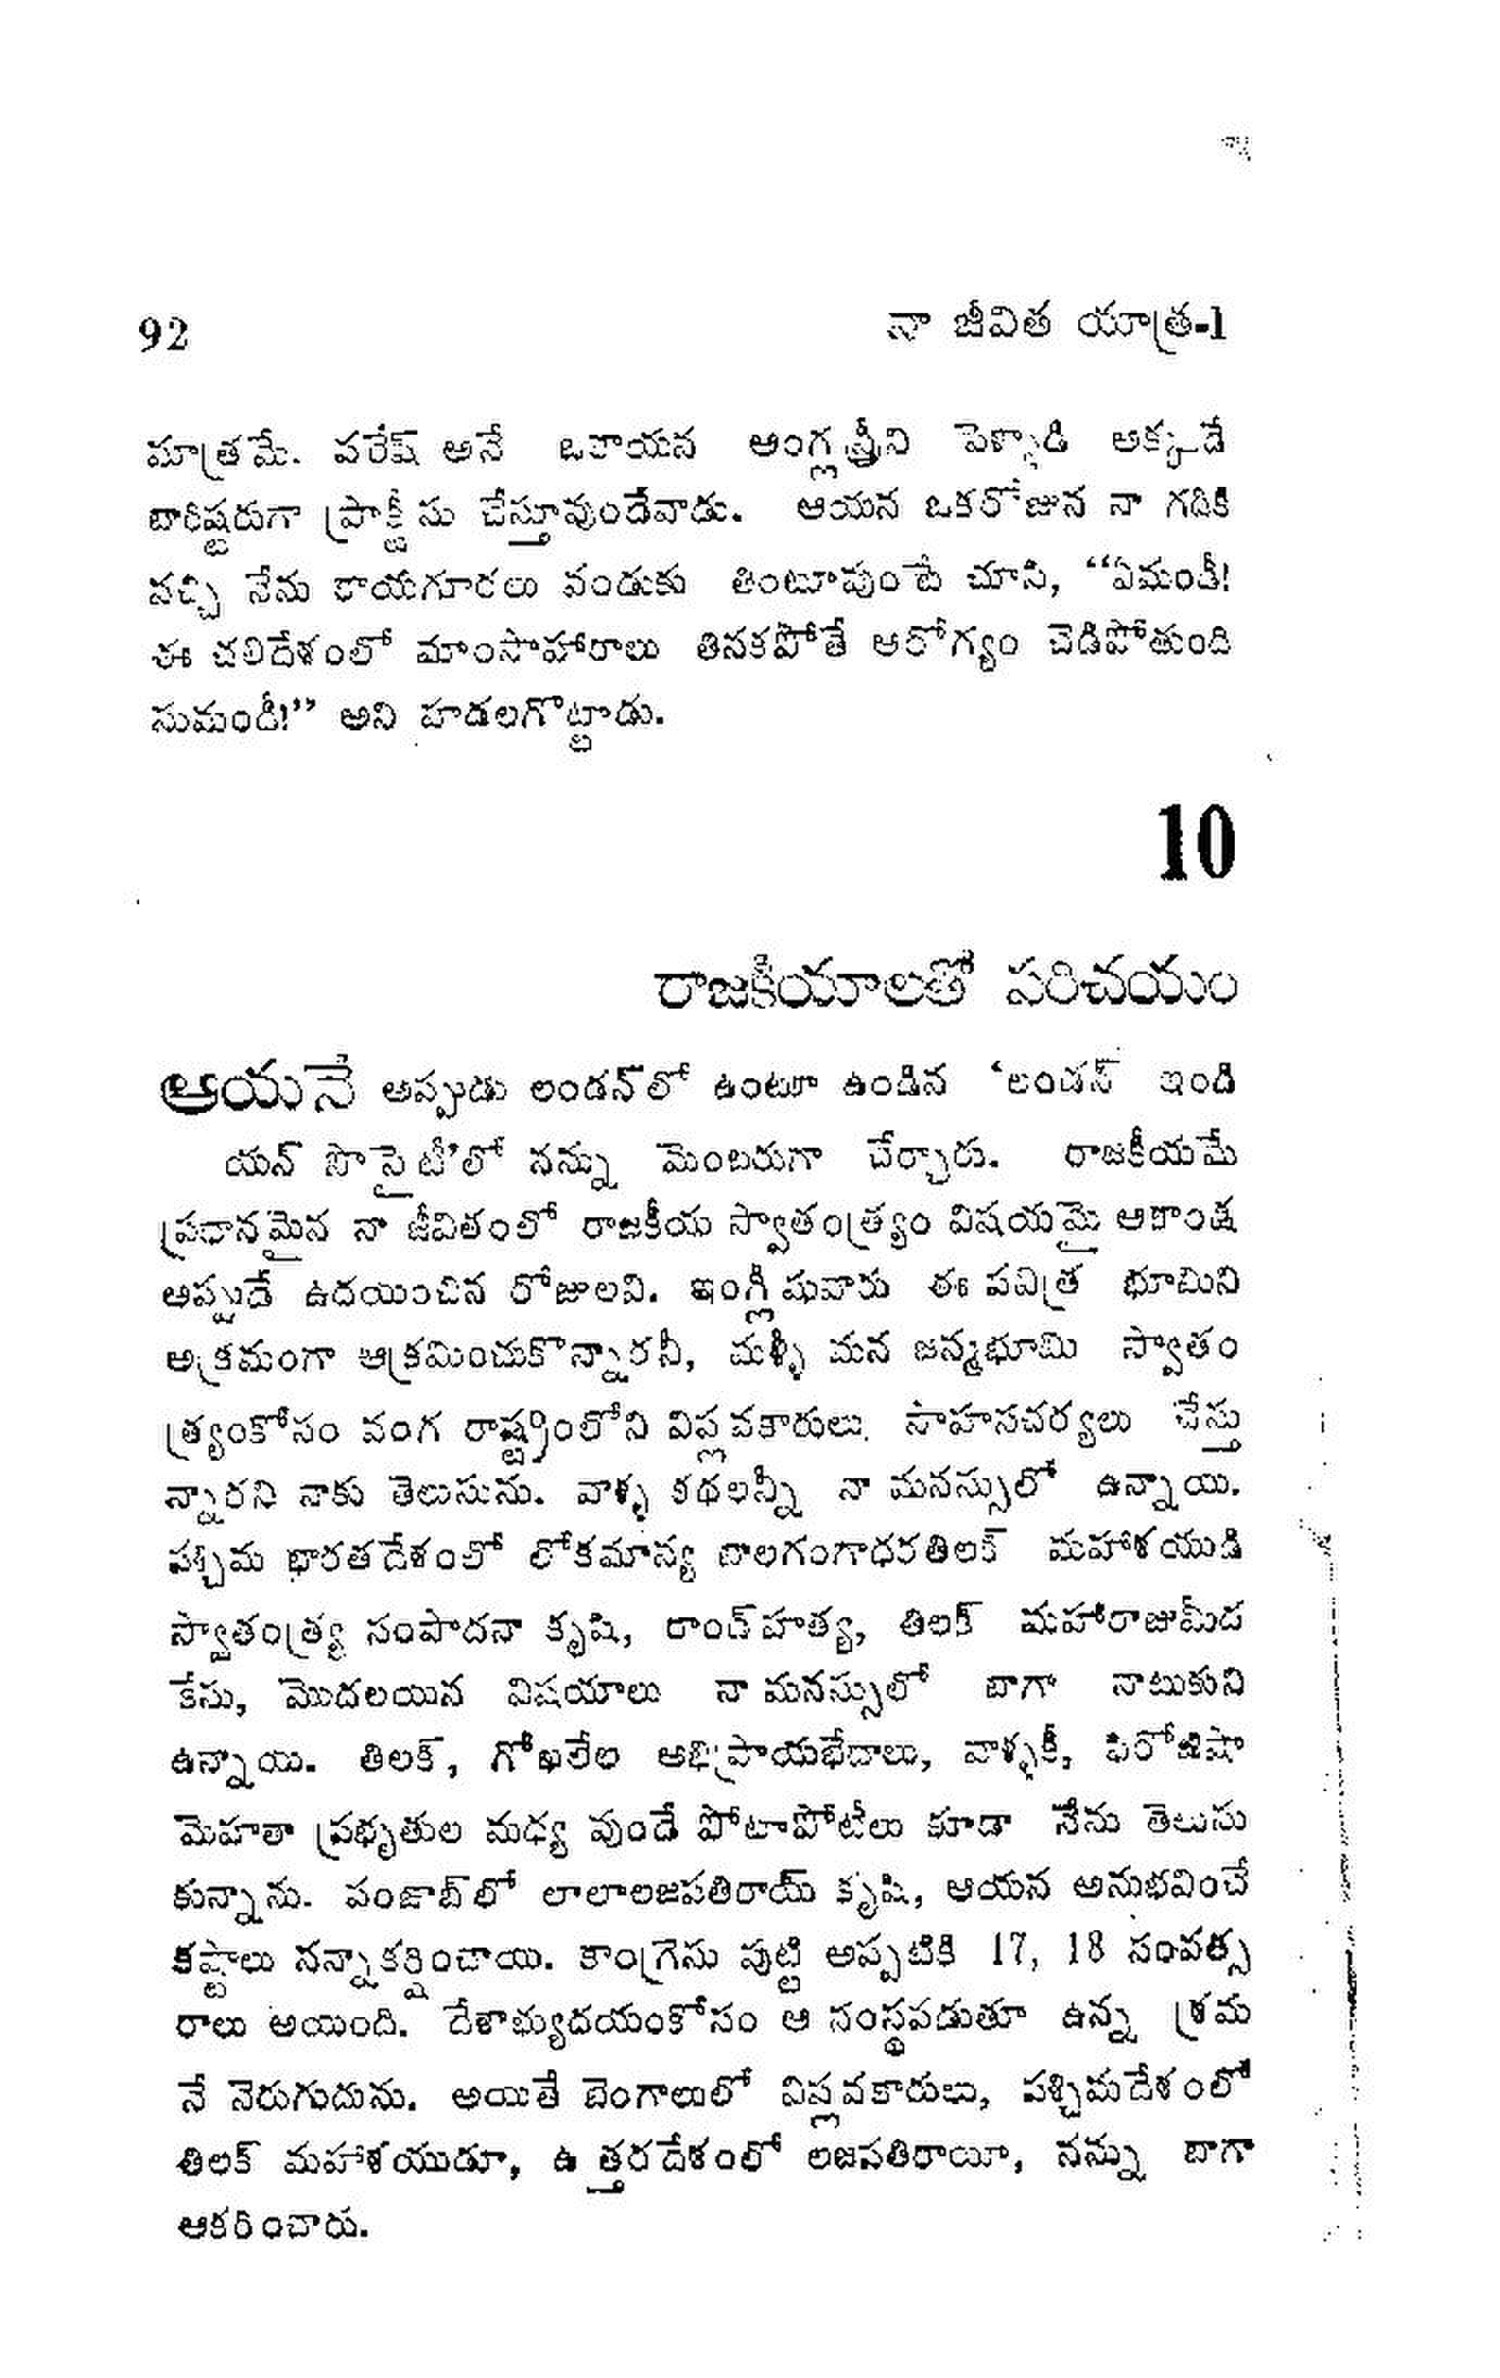మాత్రమే. వరేష్ అనే ఒకాయన ఆంగ్ల స్త్రీని పెళ్ళాడి అక్కడే బారిష్టరుగా ప్రాక్టీసు చేస్తూవుండేవాడు. ఆయన ఒకరోజున నా గదికి వచ్చి నేను కాయగూరలు వండుకు తింటూవుంటే చూసి, "ఏమండీ! ఈ చలిదేశంలో మాంసాహారాలు తినకపోతే ఆరోగ్యం చెడిపోతుంది సుమండీ!" అని హడలగొట్టాడు.

ఆయనే అప్పుడు లండన్‌లో ఉంటూ ఉండిన 'లండన్ ఇండియన్ సొసైటీ'లో నన్ను మెంబరుగా చేర్చారు. రాజకీయమే ప్రధానమైన నా జీవితంలో రాజకీయ స్వాతంత్ర్యం విషయమై ఆకాంక్ష అప్పుడే ఉదయించిన రోజులనవి. ఇంగ్లీషువారు ఈ పవిత్ర భూమిని అక్రమంగా ఆక్రమించుకొన్నారనీ, మళ్ళీ మన జన్మభూమి స్వాతంత్ర్యంకోసం వంగ రాష్ట్రంలోని విప్లవకారులు సాహసచర్యలు చేస్తున్నారని నాకు తెలుసును. వాళ్ళ కథలన్నీ నా మనస్సులో ఉన్నాయి. పశ్చిమ భారతదేశంలో లోకమాన్య బాలగంగాధరతిలక్ మహాశయుడి స్వాతంత్ర్య సంపాదనా కృషి, రాంచ్‌హత్య, తిలక్ మహారాజుమీద కేసు, మొదలయిన విషయాలు నా మనస్సులో బాగా నాటుకుని ఉన్నాయి. తిలక్, గోఖలేల అభిప్రాయభేదాలు, వాళ్ళకీ, ఫిరోజిషా మెహతా ప్రభృతుల మధ్య వుండే పోటాపోటీలు కూడా నేను తెలుసుకున్నాను. పంజాబ్‌లో లాలాలజపతిరాయ్ కృషి, ఆయన అనుభవించే కష్టాలు నన్నాకర్షించాయి. కాంగ్రెసు పుట్టి అప్పటికి 17, 18 సంవత్సరాలు అయింది. దేశాభ్యుదయంకోసం ఆ సంస్థపడుతూ ఉన్న శ్రమ నే నెరుగుదును. అయితే బెంగాలులో విప్లవకారులు, పశ్చిమదేశంలో తిలక్ మహాశయుడూ, ఉత్తరదేశంలో లజపతిరాయీ, నన్ను బాగా ఆకరించారు.